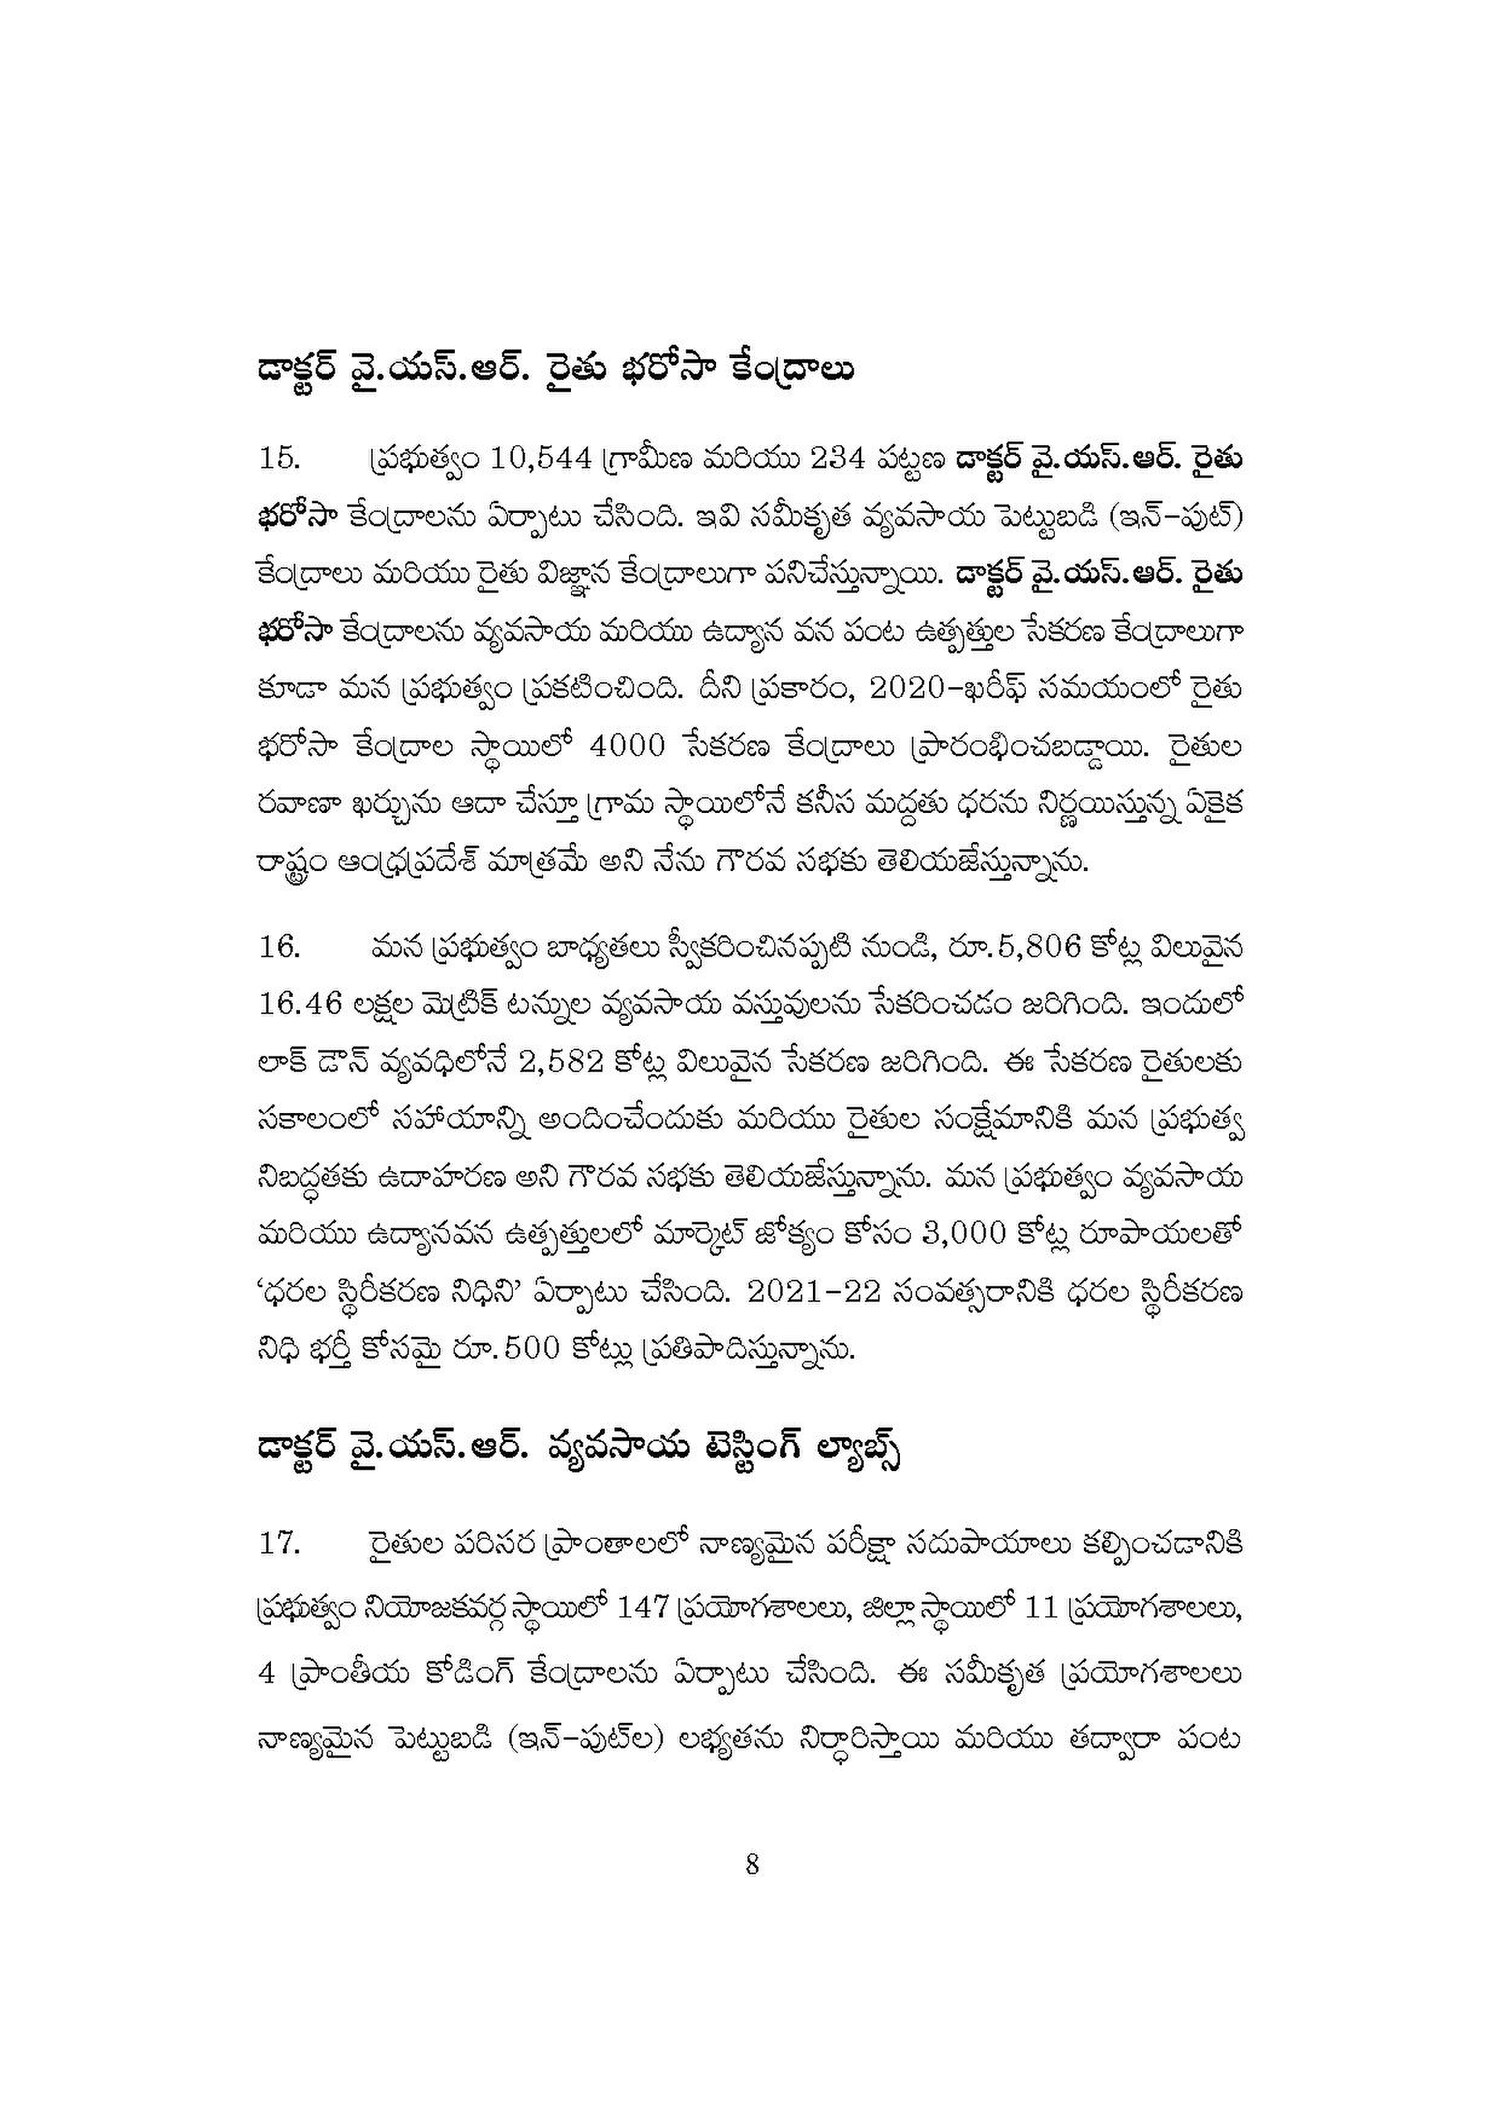డాక్టర్ వై.యస్.ఆర్. రైతు భరోసా కేంద్రాలు

15. ప్రభుత్వం 10,544 గ్రామీణ మరియు 234 పట్టణ డాక్టర్ వై.యస్.ఆర్. రైతు భరోసా కేంద్రాలను ఏర్పాటు చేసింది. ఇవి సమీకృత వ్యవసాయ పెట్టుబడి (ఇన్-పుట్)
కేంద్రాలు మరియు రైతు విజ్ఞాన కేంద్రాలుగా పనిచేస్తున్నాయి. డాక్టర్ వై.యస్.ఆర్. రైతు భరోసా కేంద్రాలను వ్యవసాయ మరియు ఉద్యాన వన పంట ఉత్పత్తుల సేకరణ కేంద్రాలుగా
కూడా మన ప్రభుత్వం ప్రకటించింది. దీని ప్రకారం, 2020-ఖరీఫ్ సమయంలో రైతు
భరోసా కేంద్రాల స్థాయిలో 4000 సేకరణ కేంద్రాలు ప్రారంభించబడ్డాయి. రైతుల
రవాణా ఖర్చును ఆదా చేస్తూ గ్రామ స్థాయిలోనే కనీస మద్దతు ధరను నిర్ణయిస్తున్న ఏకైక
రాష్ట్రం ఆంధ్రప్రదేశ్ మాత్రమే అని నేను గౌరవ సభకు తెలియజేస్తున్నాను.

16. మన ప్రభుత్వం బాధ్యతలు స్వీకరించినప్పటి నుండి, రూ.5,806 కోట్ల విలువైన
16.46 లక్షల మెట్రిక్ టన్నుల వ్యవసాయ వస్తువులను సేకరించడం జరిగింది. ఇందులో
లాక్ డౌన్ వ్యవధిలోనే 2,582 కోట్ల విలువైన సేకరణ జరిగింది. ఈ సేకరణ రైతులకు
సకాలంలో సహాయాన్ని అందించేందుకు మరియు రైతుల సంక్షేమానికి మన ప్రభుత్వ
నిబద్ధతకు ఉదాహరణ అని గౌరవ సభకు తెలియజేస్తున్నాను. మన ప్రభుత్వం వ్యవసాయ
మరియు ఉద్యానవన ఉత్పత్తులలో మార్కెట్ జోక్యం కోసం 3,000 కోట్ల రూపాయలతో
'ధరల స్థిరీకరణ నిధిని’ ఏర్పాటు చేసింది. 2021-22 సంవత్సరానికి ధరల స్థిరీకరణ
నిధి భర్తీ కోసమై రూ. 500 కోట్లు ప్రతిపాదిస్తున్నాను.

డాక్టర్ వై.యస్.ఆర్. వ్యవసాయ టెస్టింగ్ ల్యాబ్స్

17. రైతుల పరిసర ప్రాంతాలలో నాణ్యమైన పరీక్షా సదుపాయాలు కల్పించడానికి
ప్రభుత్వం నియోజకవర్గ స్థాయిలో 147 ప్రయోగశాలలు,
జిల్లా స్థాయిలో 11 ప్రయోగశాలలు,
4 ప్రాంతీయ కోడింగ్ కేంద్రాలను ఏర్పాటు చేసింది. ఈ సమీకృత ప్రయోగశాలలు
నాణ్యమైన పెట్టుబడి (ఇన్-పుట్ ల) లభ్యతను నిర్ధారిస్తాయి మరియు తద్వారా పంట